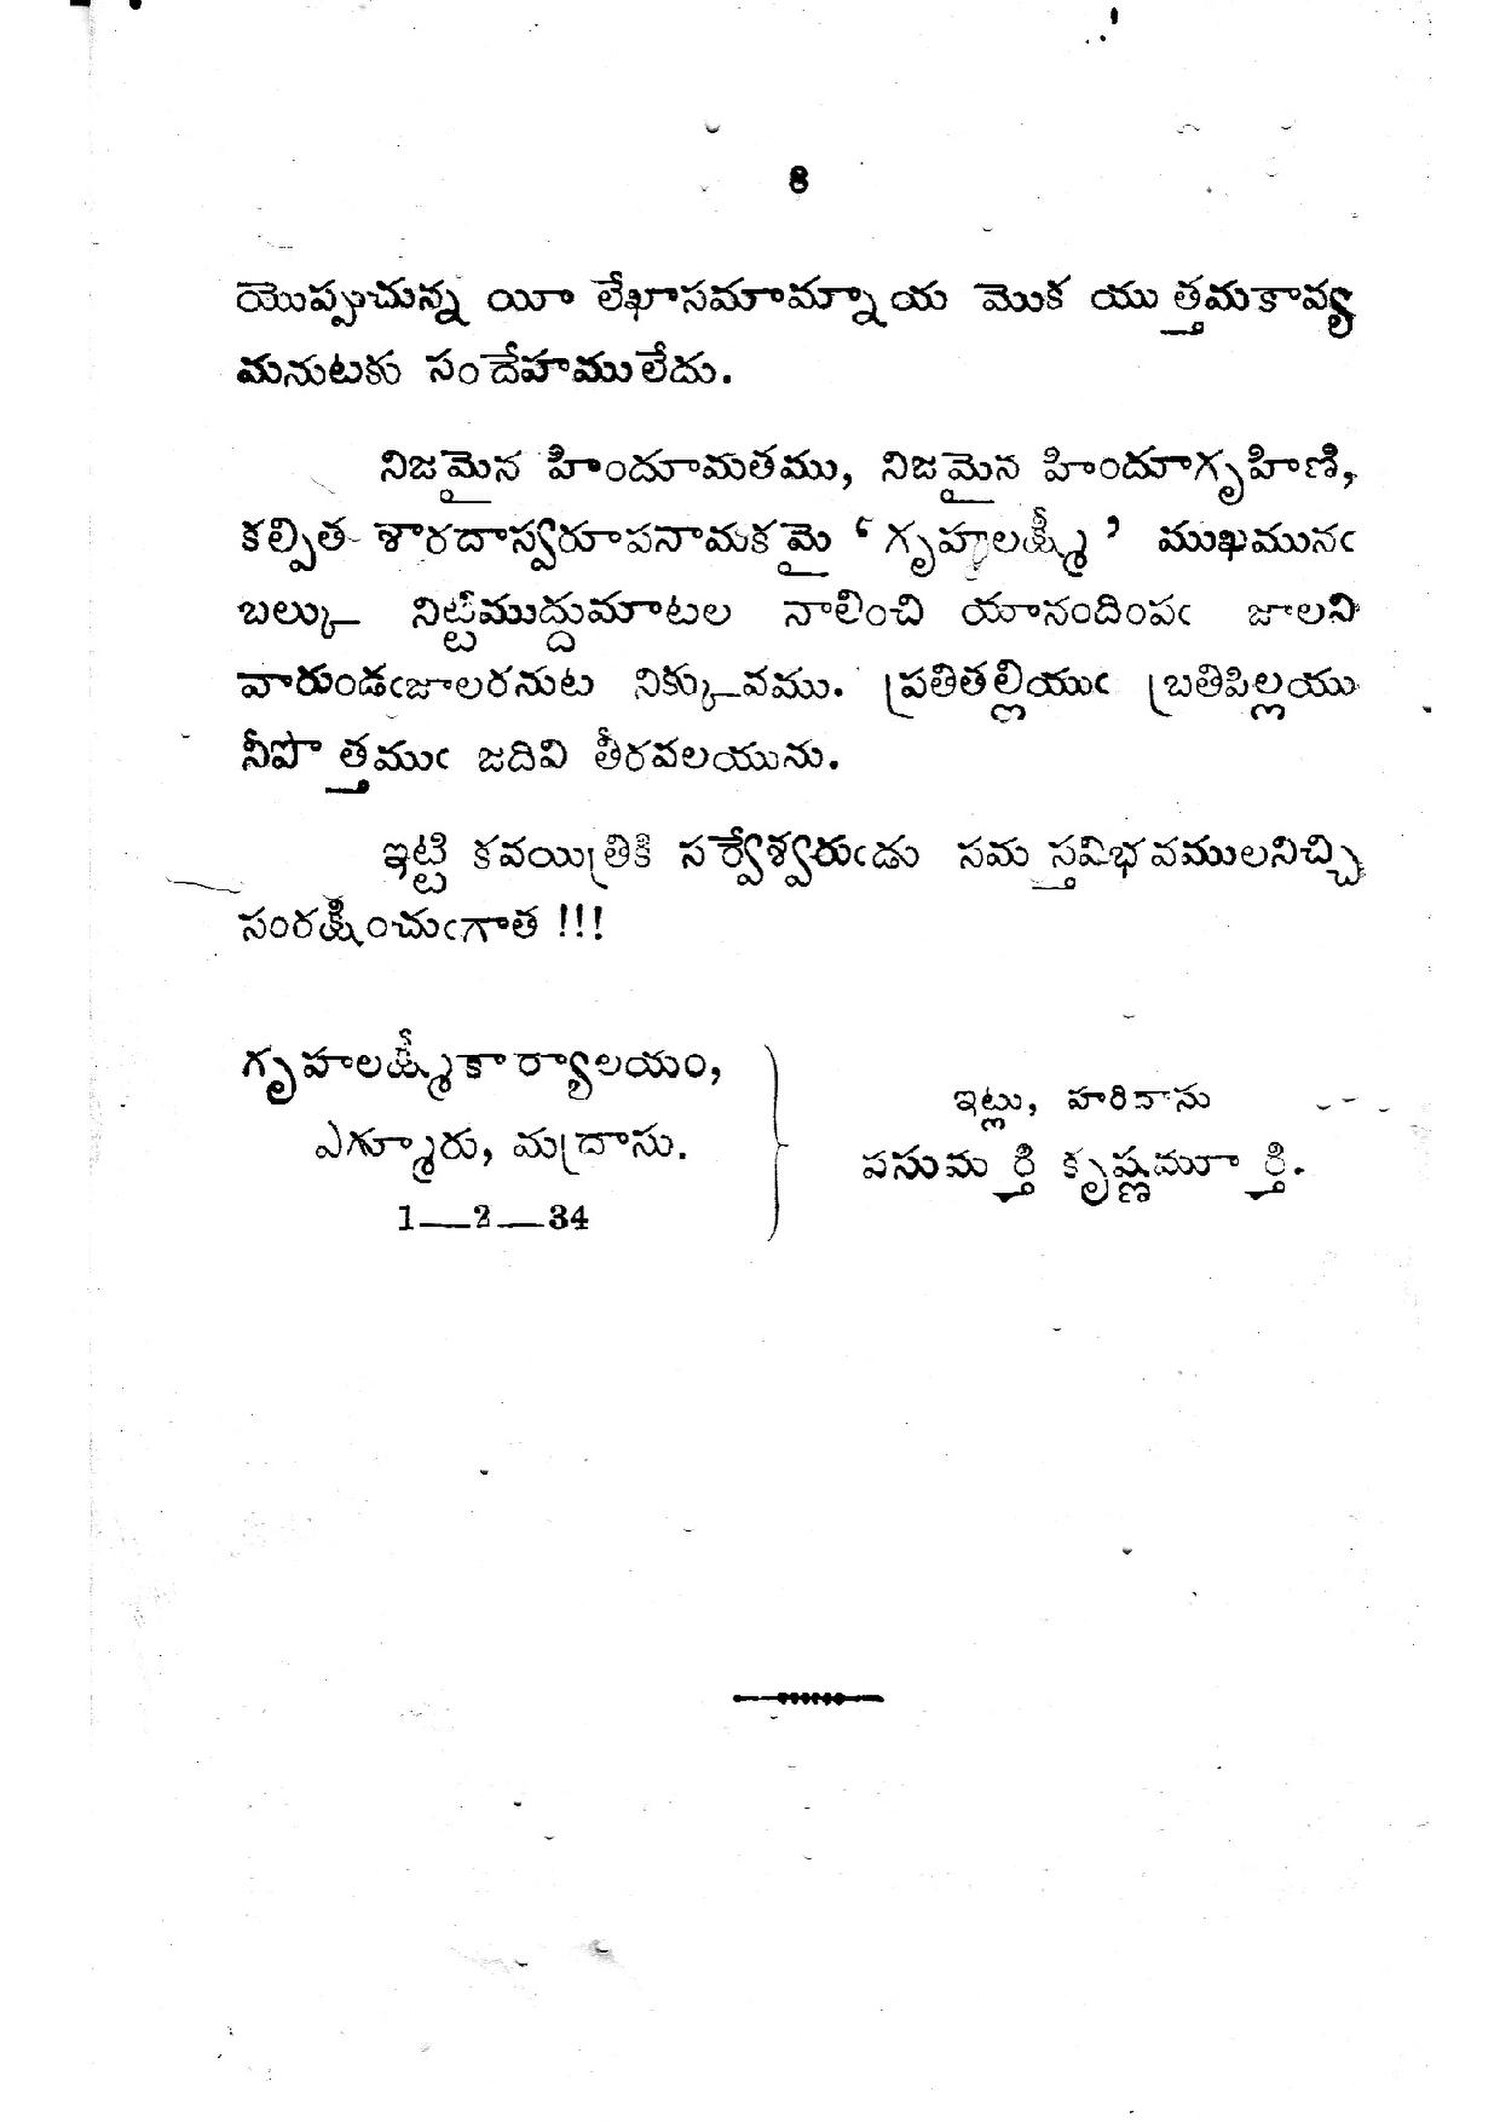యొప్పుచున్న యీ లేఖాసమామ్నాయ మొక యుత్తమకావ్య మనుటకు సందేహములేదు.

నిజమైన హిందూమతము, నిజమైన హిందూగృహిణి, కల్పిత శారదాస్వరూపనామకమై 'గృహలక్ష్మీ' ముఖమునఁ బల్కు నిట్టిముద్దుమాటల నాలించి యానందింపఁ జాలని వారుండఁజాలరనుట నిక్కువము. ప్రతితల్లియుఁ బ్రతిపిల్లయు నీపొత్తముఁ జదివి తీరవలయును.

ఇట్టి కవయిత్రికి సర్వేశ్వరుఁడు సమస్తవిభవములనిచ్చి సంరక్షించుఁగాత !!!